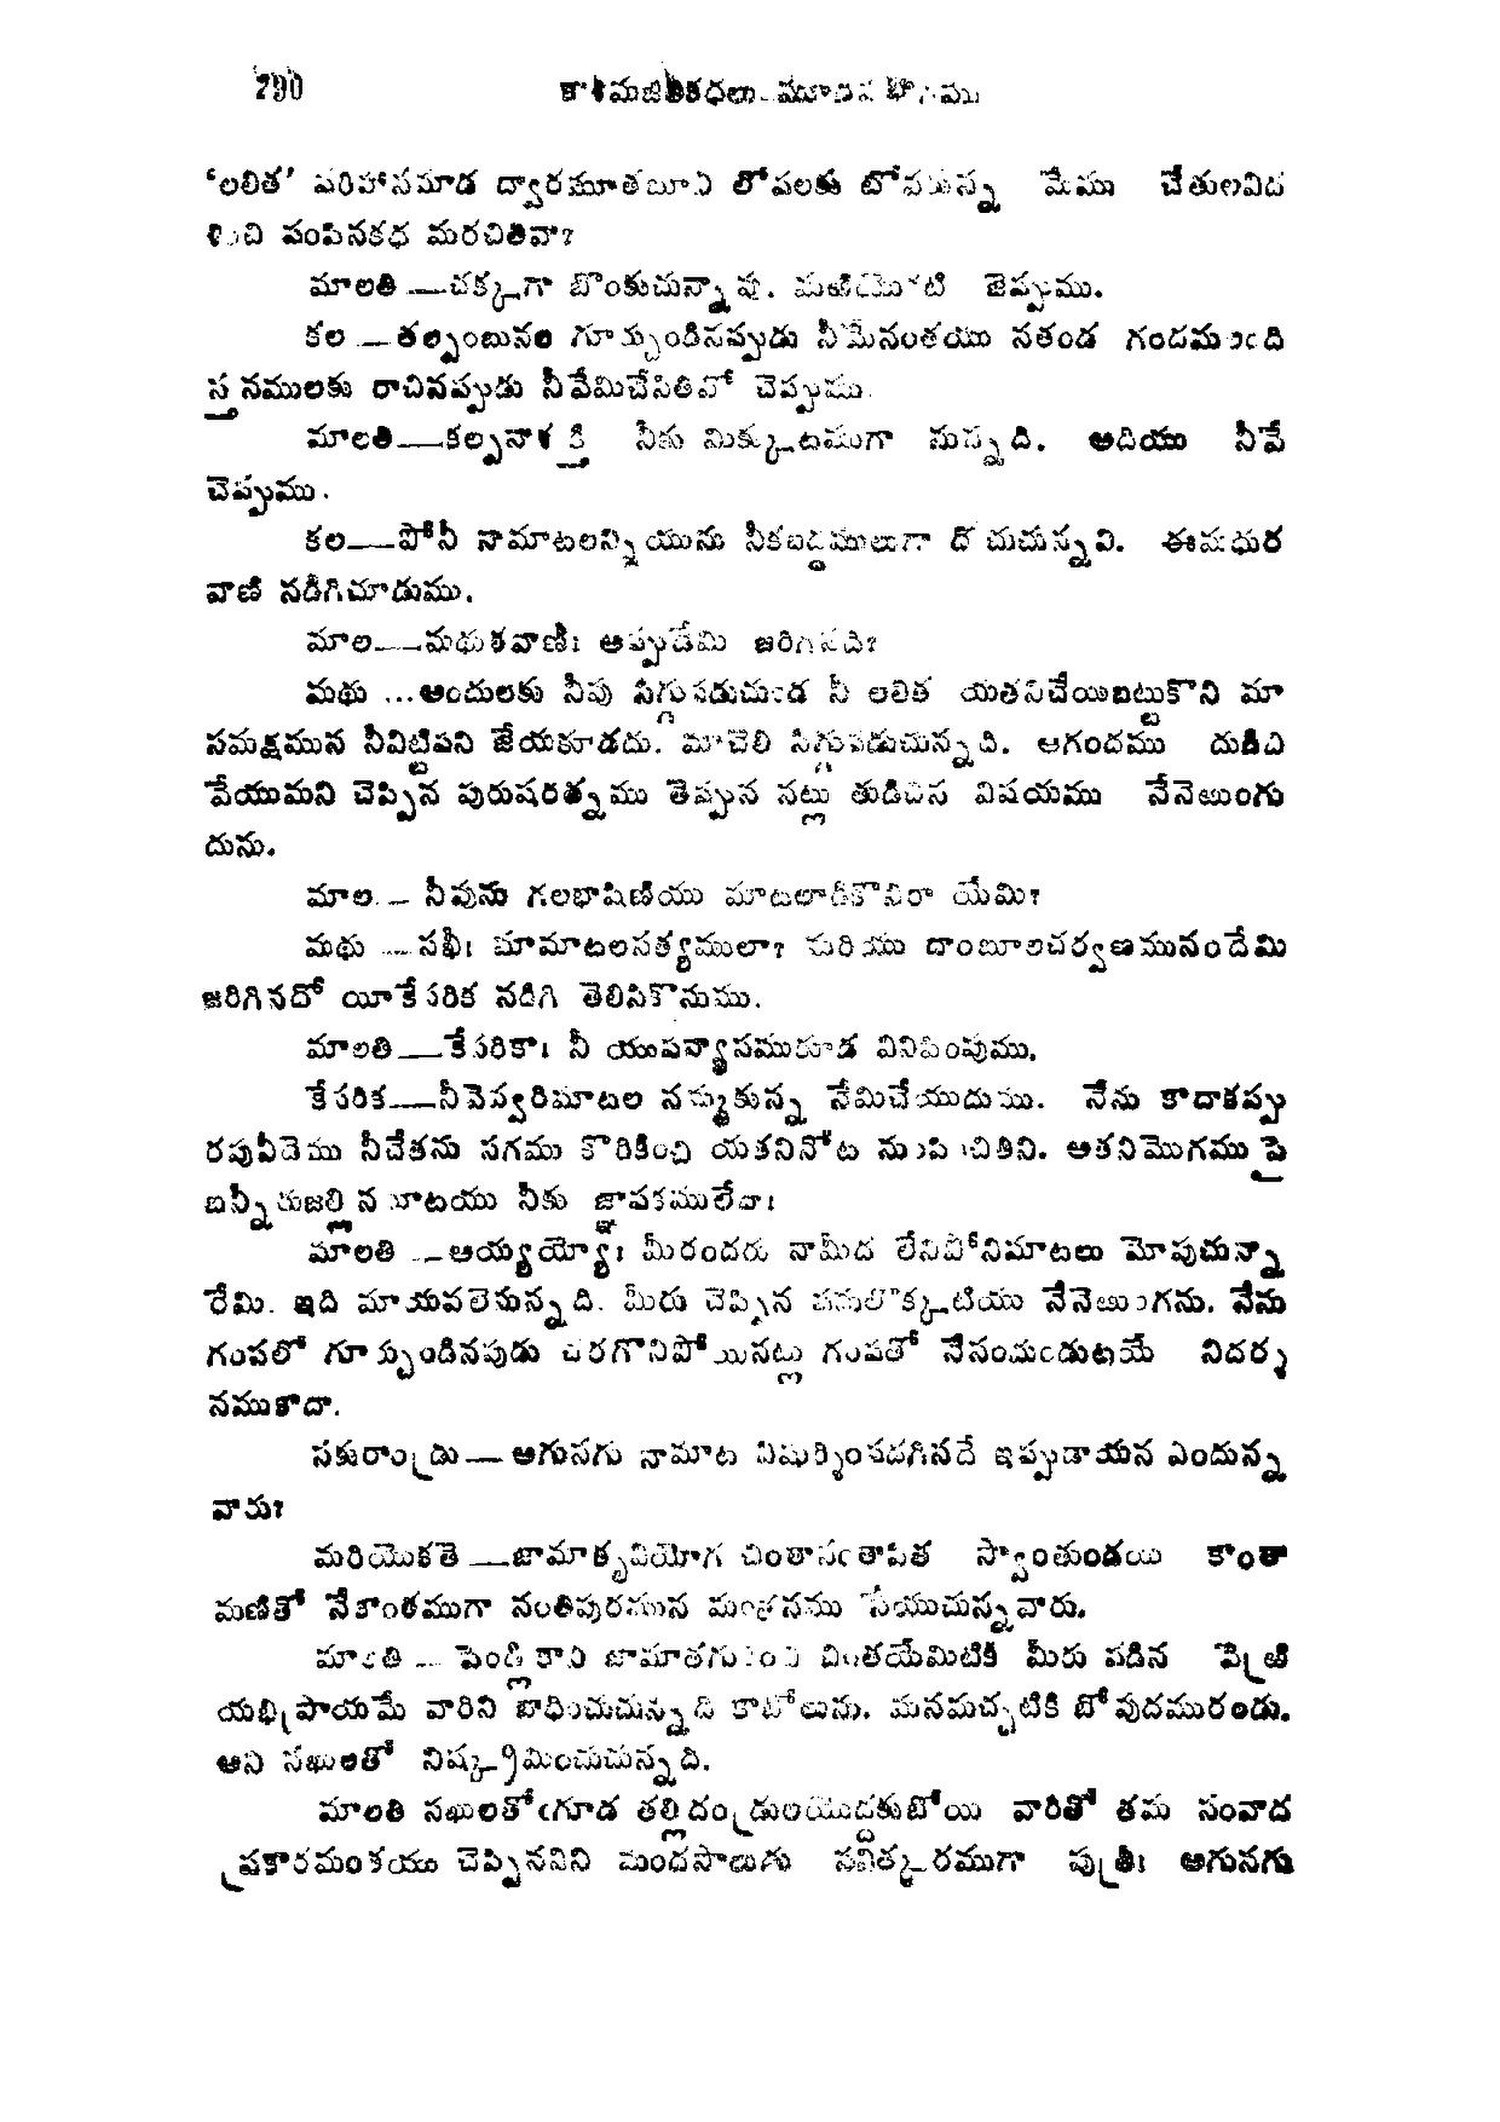'లలిత ' పరిహాసమాడ ద్వారమూతబూని లోపలకు బోవకున్న మేము చేతులవిదళించి పంపినకధ మరచితివా?

మాలతి - చక్కగా బొంకుచున్నావు. మఱియొకటి జెప్పుము.

కల - తల్పంబునల గూర్చుండినప్పుడు నీమేనంతయు నతండ గందమలంది స్తనములకు రాచినప్పుడు నీవేమిచేసితివో చెప్పుము.

మాలతి - కల్పనాశక్తి నీకు మిక్కుటముగా నున్నది. అదియు నీవే చెప్పుము .

కల - పోనీ నామాటలన్నియును నీకబద్దములుగా దోచుచున్నవి. ఈమధుర వాణి నడిగిచూడుము.

మాల - మథురవాణి! అప్పుడేమి జరిగినది?

మథు - అందులకు నీవు సిగ్గుపడుచుండ నీ లలిత యతనిచేయిబట్టుకొని మా సమక్షమున నీవిట్టిపని జేయకూడదు. మాచెలి సిగ్గుపడుచున్నది. ఆగందము దుడిచి వేయుమని చెప్పిన పురుషరత్నము తెప్పున నట్లు తుడిచన విషయము నేనెఱుంగుదును.

మాల - నీవును గలభాషిణియు మాటలాడికొనిరా యేమి?

మథు - సఖీ! మామాటలసత్యములా? మరియు దాంబూలచర్వణమునందేమి జరిగినదో యీకేసరిక నడిగి తెలిసికొనుము.

మాలతి - కేసరికా! నీ యుపన్యాసముకూడ వినిపింపుము.

కేసరిక - నీవెవ్వరిమాటల నమ్ముకున్న నేమిచేయుదుము. నేను కాదాకప్పురపువీడెము నీచేతను సగము కొరికించి యతనినోట నుంపించితిని. అతనిమొగముపై బన్నీరుజల్లినమాటయు నీకు జ్ఞాపకములేదా?

మాలతి - అయ్యయ్యో? మీరందరు నామీద లేనిపోనిమాటలు మోపుచున్నారేమి. ఇది మాయవలెనున్నది. మీరు చెప్పిన పనులొక్కటియు నేనెఱుంగను. నేను గంపలో గూర్చుండినపుడు చరగొనిపోయినట్లు గంపతో నేనందుండుటయే నిదర్శనముకాదా.

సకురాండ్రు -- అగునగు నామాట విమర్శింపదగినదే ఇప్పుడాయన ఎందున్నవారు ?

మరియొకతె - జామాతృవియోగ చింతాసంతాపిత స్వాంతుండయి కాంతామణితో నేకాంతముగా నంతఃపురమున మంతనము సేయుచున్నవారు.

మాలతి - పెండ్లికాని జామాతగురించి చింతయేమిటికి మీరు పడిన వెఱ్రి యభిప్రాయమే వారిని బాధించుచున్నది కాబోలును. మనమచ్చటికి బోవుదమురండు. అని సఖులతో నిష్క్రమించుచున్నది.

మాలతి సఖులతోఁగూడ తల్లిదండ్రులయొద్దకుబోయి వారితో తమ సంవాద ప్రకారమంతయు చెప్పినవిని మందసౌలుడు సత్కరముగా పుత్రీ! అగునగు